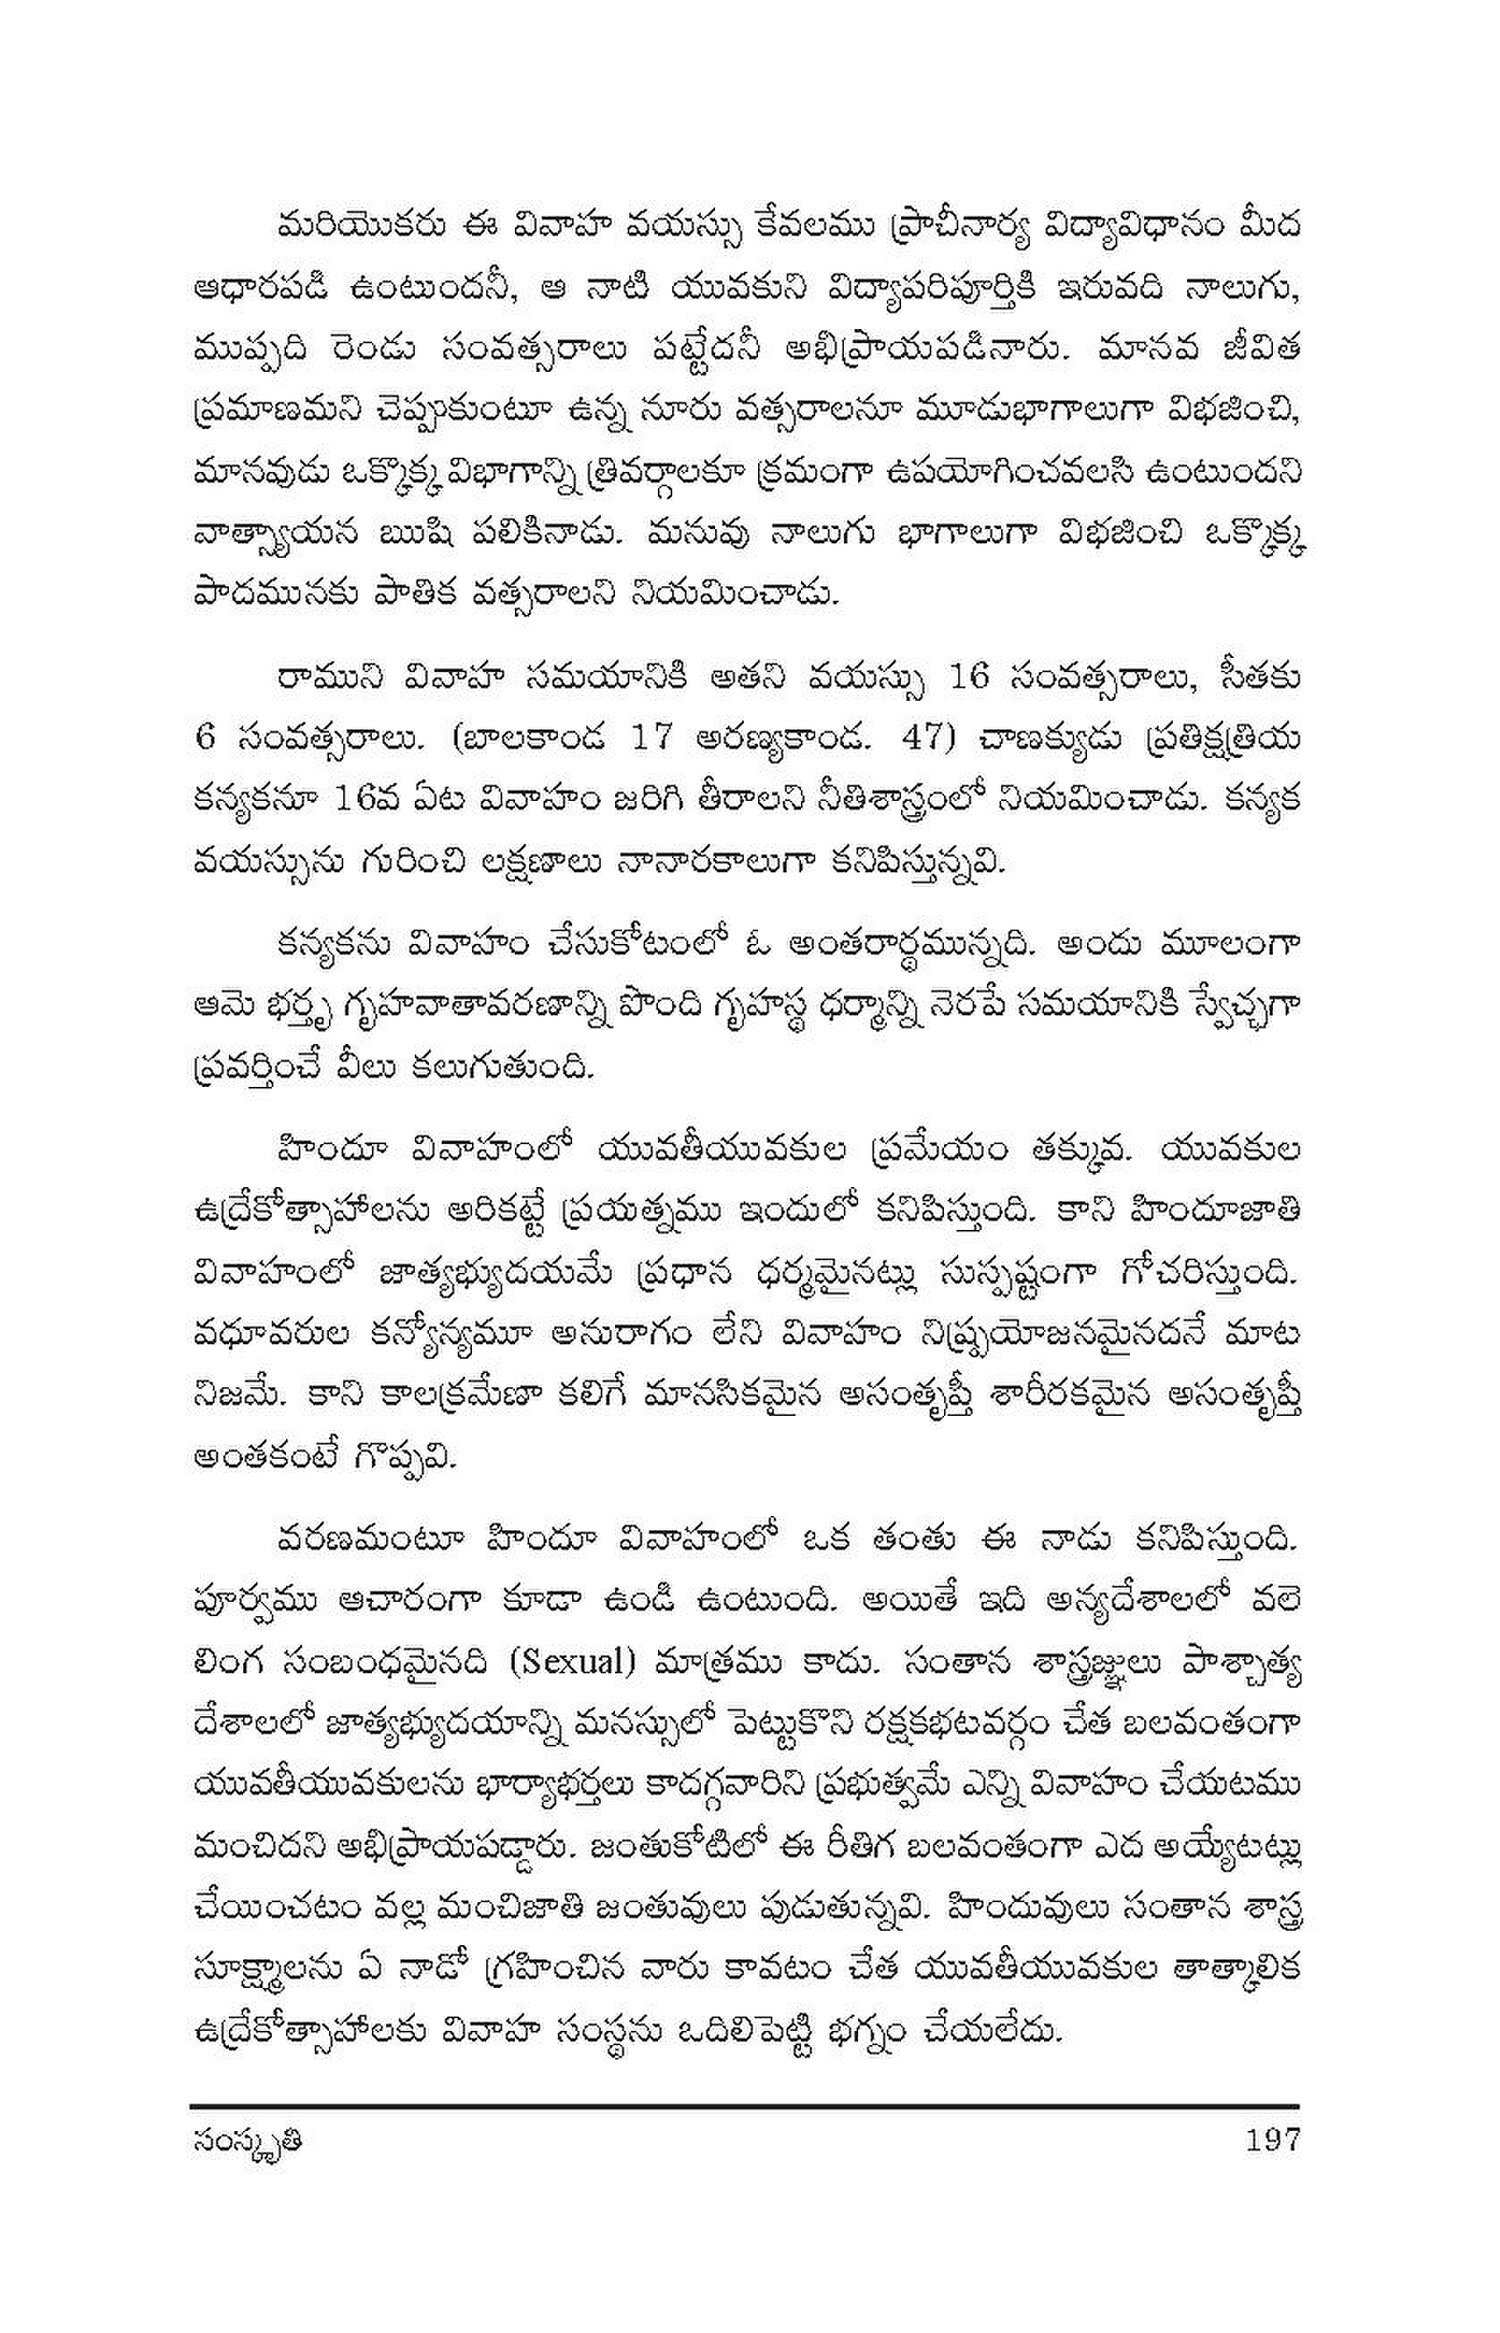మరియొకరు ఈ వివాహ వయస్సు కేవలము ప్రాచీనార్య విద్యావిధానం మీద
ఆధారపడి ఉంటుందనీ, ఆ నాటి యువకుని విద్యాపరిపూర్తికి ఇరువది నాలుగు,
ముప్పది రెండు సంవత్సరాలు పట్టేదనీ అభిప్రాయపడినారు. మానవ జీవిత
ప్రమాణమని చెప్పుకుంటూ ఉన్న నూరు వత్సరాలనూ మూడుభాగాలుగా విభజించి,
మానవుడు ఒక్కొక్క విభాగాన్ని త్రివర్గాలకూ క్రమంగా ఉపయోగించవలసి ఉంటుందని
వాత్స్యాయన ఋషి పలికినాడు. మనువు నాలుగు భాగాలుగా విభజించి ఒక్కొక్క
పాదమునకు పాతిక వత్సరాలని నియమించాడు.

రాముని వివాహ సమయానికి అతని వయస్సు 16 సంవత్సరాలు, సీతకు
6 సంవత్సరాలు. (బాలకాండ 17 అరణ్యకాండ. 47) చాణక్యుడు ప్రతిక్షత్రియ
కన్యకనూ 16వ ఏట వివాహం జరిగి తీరాలని నీతిశాస్త్రంలో నియమించాడు. కన్యక
వయస్సును గురించి లక్షణాలు నానారకాలుగా కనిపిస్తున్నవి.

కన్యకను వివాహం చేసుకోటంలో ఓ అంతరార్థమున్నది. అందు మూలంగా
ఆమె భర్తృ గృహవాతావరణాన్ని పొంది గృహస్థ ధర్మాన్ని నెరపే సమయానికి స్వేచ్ఛగా
ప్రవర్తించే వీలు కలుగుతుంది.

హిందూ వివాహంలో యువతీయువకుల ప్రమేయం తక్కువ. యువకుల
ఉద్రేకోత్సాహాలను అరికట్టే ప్రయత్నము ఇందులో కనిపిస్తుంది. కాని హిందూజాతి
వివాహంలో జాత్యభ్యుదయమే ప్రధాన ధర్మమైనట్లు సుస్పష్టంగా గోచరిస్తుంది.
వధూవరుల కన్యోన్యమూ అనురాగం లేని వివాహం నిష్ప్రయోజనమైనదనే మాట
నిజమే. కాని కాలక్రమేణా కలిగే మానసికమైన అసంతృప్తి శారీరకమైన అసంతృప్తి
అంతకంటే గొప్పవి.

వరణమంటూ హిందూ వివాహంలో ఒక తంతు ఈ నాడు కనిపిస్తుంది.
పూర్వము ఆచారంగా కూడా ఉండి ఉంటుంది. అయితే ఇది అన్యదేశాలలో వలె
లింగ సంబంధమైనది (Sexual) మాత్రము కాదు. సంతాన శాస్త్రజ్ఞులు పాశ్చాత్య
దేశాలలో జాత్యభ్యుదయాన్ని మనస్సులో పెట్టుకొని రక్షకభటవర్గం చేత బలవంతంగా
యువతీయువకులను భార్యాభర్తలు కాదగ్గవారిని ప్రభుత్వమే ఎన్ని వివాహం చేయటము
మంచిదని అభిప్రాయపడ్డారు. జంతుకోటిలో ఈ రీతిగ బలవంతంగా ఎద అయ్యేటట్లు
చేయించటం వల్ల మంచిజాతి జంతువులు పుడుతున్నవి. హిందువులు సంతాన శాస్త్ర
సూక్ష్మాలను ఏ నాడో గ్రహించిన వారు కావటం చేత యువతీయువకుల తాత్కాలిక
ఉద్రేకోత్సాహాలకు వివాహ సంస్థను ఒదిలిపెట్టి భగ్నం చేయలేదు.